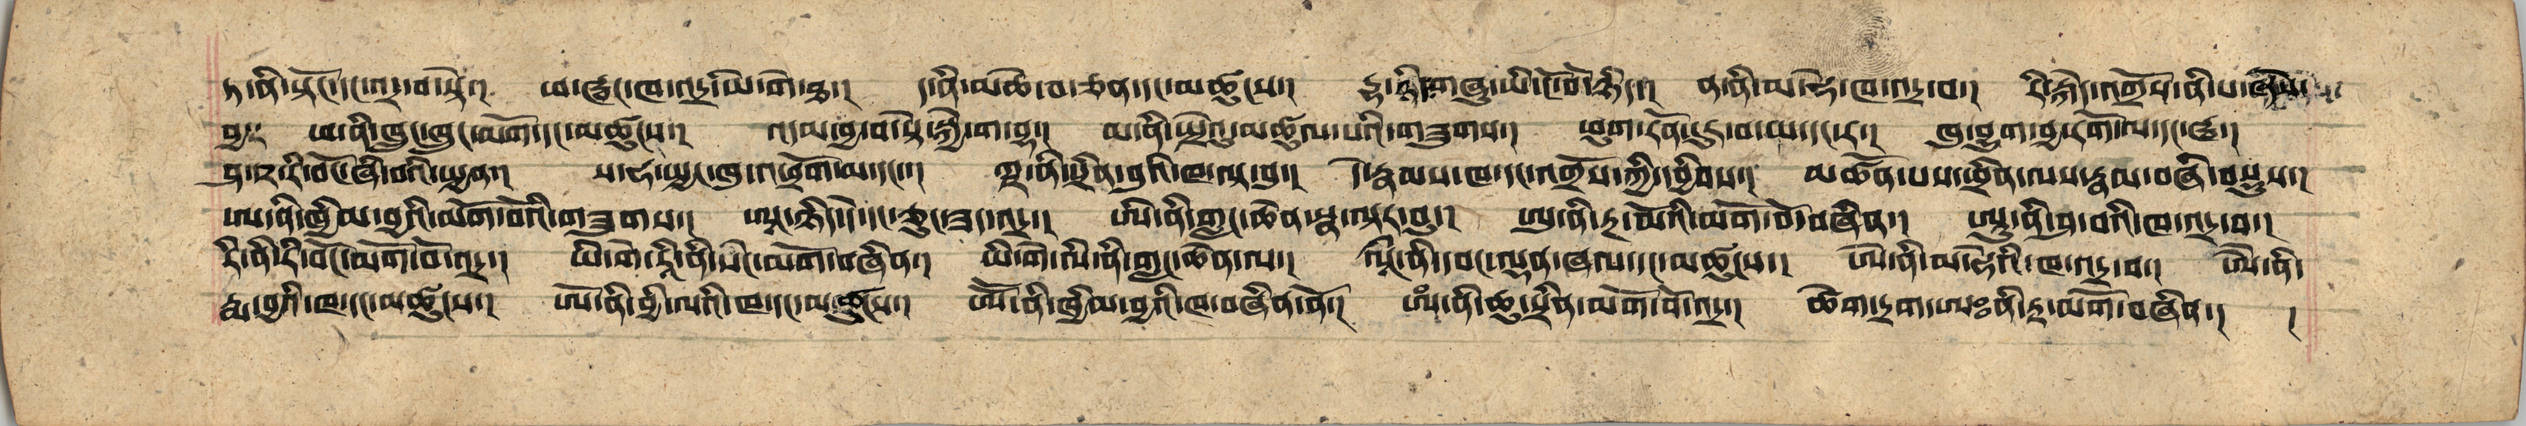ཏ་ནི་སྟོང་དང་འདྲ་བ་སྟེ་། ཕ་ཝང་ཁ་འདྲ་ཡི་གེ་ཐ་། ད་ནི་མཆེ་བ་ཅན་དང་མཚུངས་། དྷ་ཉི་གཞུ་ཡི་ངོ་བོ་ཉིད་། ན་ནི་མ་ཧེ་ཁ་འདྲ་བ་། རི་རྐེད་འགྲོས་ནི་པ་ཞེས་
བྱ་༑ ཕ་ནི་ཁྲུང་ཁྲུང་མགོ་དང་མཚུངས་། འདམ་བྱ་བ་སྟེ་སྐྱེ་ག་བྷ་། མ་ནི་སྤྲེའུ་མཚུལ་པའི་གཟུགས་། ཕུག་རོན་ངུར་བ་མ་དང་ར་། ཁུ་བྱུག་བྱ་རོག་ལ་དང་ཝ་།
ཤ་ཥ་རི་བོང་ཞི་བའི་སྤྱན་། ས་ཧ་སྤྱང་ཁུ་འཕྲོག་མ་དང་། ཀྵ་ནི་སྲིན་བུའི་ཁ་ལྟ་བུ་། དེ་རྣམས་ཁ་དང་འགྲོས་ཀྱི་དབྱིབས་། མཚོན་པས་ཕྲིན་ལས་རྣམ་བཞི་བསྡུས་།
ཨ་ནི་ཁྱིམ་བྱའི་མགོ་བོའི་གཟུགས་། ཨཱ་ཉིད་དེ་དང་ཅུང་ཟད་འདྲ་། ཨི་ནི་གླང་ཆེན་སྣ་ལྟར་བུ་། ཨུ་ནི་རྔ་མོའི་མགོ་བོ་བཞིན་། ཨཱུ་ནི་ཤ་བའི་ཁ་འདྲ་བ་།
རི་ནི་རི་བོང་མགོ་བོ་འདྲ་། ཡི་གེ་རཱི་ནི་སེང་མགོ་བཞིན་། ཡི་གེ་ལི་ནི་གླང་ཆེན་ལ་། ལཱྀ་ནི་དབང་ལྡན་ཞལ་དང་མཚུངས་། ཨེ་ནི་མ་ཧེའི་ཁ་འདྲ་བ་། ཨེ་ནི་
རྨ་བྱའི་ཁ་དང་མཚུངས་། ཨོ་ནི་བྱི་ལའི་ཁ་དང་མཚུངས་། ཨོ་ནི་ཁྱིམ་བྱའི་ཁ་བཞིན་ནོ་། ཨཾ་ནི་ཆུ་སྲིན་མགོ་བོ་འདྲ་། ཚེག་དྲག་ཨཿནི་རྟ་མགོ་བཞིན་།